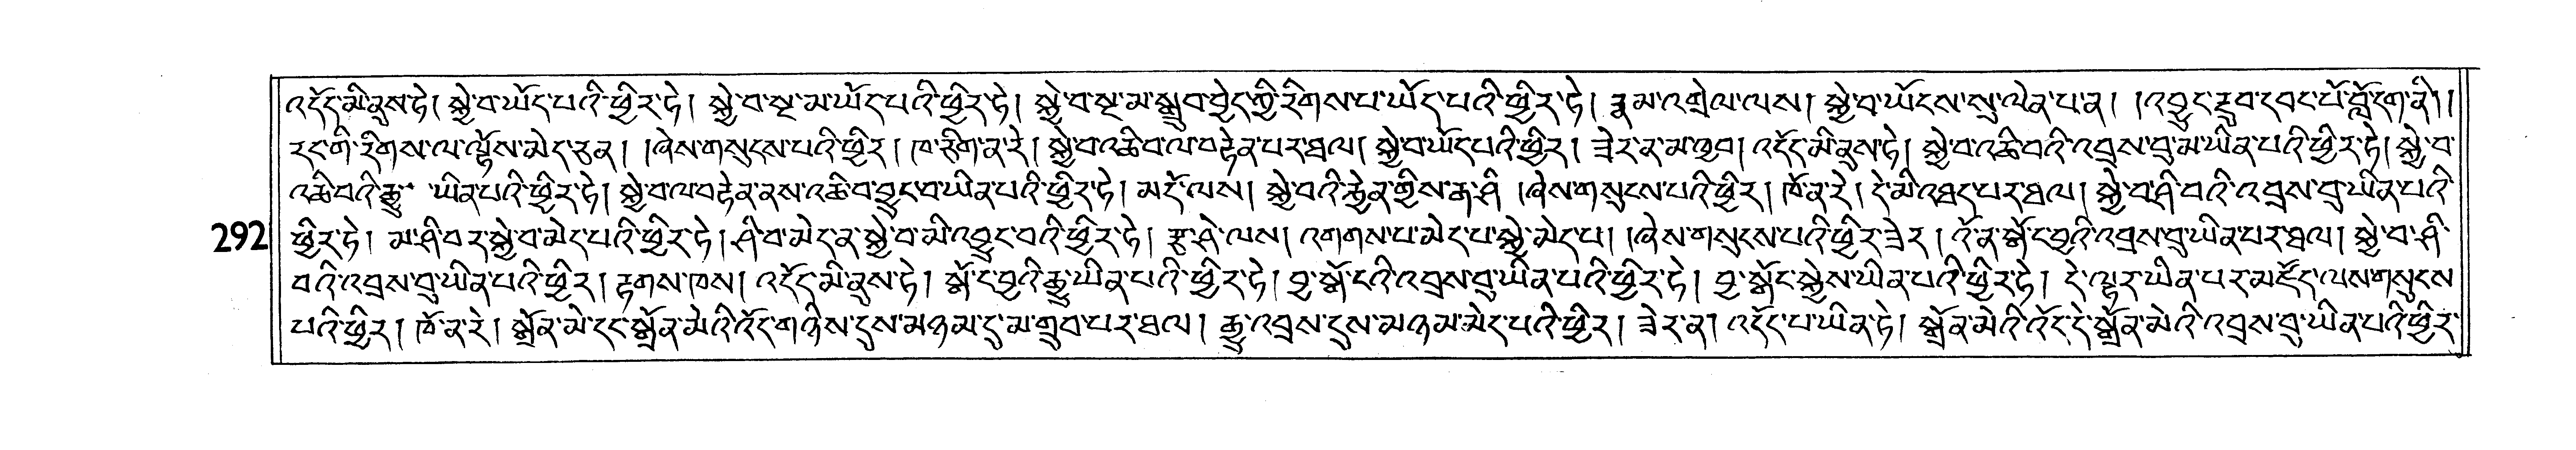འདོད་མི་ནུས་ཏེ། སྐྱེ་བ་ཡོད་པའི་ཕྱིར་ཏེ། སྐྱེ་བ་སྔ་མ་ཡོད་པའི་ཕྱིར་ཏེ། སྐྱེ་བ་སྔ་མ་སྒྲུབ་བྱེད་ཀྱི་རིགས་པ་ཡོད་པའི་ཕྱིར་ཏེ། རྣམ་འགྲེལ་ལས། སྐྱེ་བ་ཡོངས་སུ་ལེན་པ་ན། །འབྱུང་རྡུབ་དབང་པོ་བློ་དག་ནི།།
རང་གི་རིགས་ལ་ལྟོས་མེད་ཅན། །ཞེས་གསུངས་པའི་ཕྱིར། ཁ་ཅིག་ན་རེ། སྐྱེ་བ་འཆི་བ་ལ་བརྟེན་པར་ཐལ། སྐྱེ་བ་ཡོད་པའི་ཕྱིར། ཟེར་ན་མ་ཁྱབ། འདོད་མི་ནུས་ཏེ། སྐྱེ་བ་འཆི་བའི་འབྲས་བུ་མ་ཡིན་པའི་ཕྱིར་ཏེ། སྐྱེ་བ་
འཆི་བའི་རྒྱུ་ཡིན་པའི་ཕྱིར་ཏེ། སྐྱེ་བ་ལ་བརྟེན་ནས་འཆི་བ་བྱུང་བ་ཡིན་པའི་ཕྱིར་ཏེ། མདོ་ལས། སྐྱེ་བའི་རྐྱེན་གྱིས་རྒ་ཤི་།ཞེས་གསུངས་པའི་ཕྱིར། ཁོ་ན་རེ། དེ་མི་འཐད་པར་ཐལ། སྐྱེ་བ་ཤི་བའི་འབྲས་བུ་ཡིན་པའི་
ཕྱིར་ཏེ། མ་ཤི་བར་སྐྱེ་བ་མེད་པའི་ཕྱིར་ཏེ། ཤི་བ་མེད་ན་སྐྱེ་བ་མི་འབྱུང་བའི་ཕྱིར་ཏེ། རྩ་ཤེ་ལས། འགགས་པ་མེད་པ་སྐྱེ་མེད་པ། །ཞེས་གསུངས་པའི་ཕྱིར་ཟེར། འོ་ན་སྒོ་ང་བྱའི་འབྲས་བུ་ཡིན་པར་ཐལ། སྐྱེ་བ་ཤི་
བའི་འབྲས་བུ་ཡིན་པའི་ཕྱིར། རྟགས་ཁས། འདོད་མི་ནུས་ཏེ། སྒོ་ང་བྱའི་རྒྱུ་ཡིན་པའི་ཕྱིར་ཏེ། བྱ་སྒོ་ངའི་འབྲས་བུ་ཡིན་པའི་ཕྱིར་ཏེ། བྱ་སྒོང་སྐྱེས་ཡིན་པའི་ཕྱིར་ཏེ། དེ་ལྟར་ཡིན་པར་མཛོད་ལས་གསུངས་
པའི་ཕྱིར། ཁོ་ན་རེ། སྒྲོན་མེ་དང་སྒྲོན་མེའི་འོད་གཉིས་དུས་མཉམ་དུ་མ་གྲུབ་པར་ཐལ། རྒྱུ་འབྲས་དུས་མཉམ་མེད་པའི་ཕྱིར། ཟེར་ན། འདོད་པ་ཡིན་ཏེ། སྒྲོན་མེའི་འོད་དེ་སྒྲོན་མེའི་འབྲས་བུ་ཡིན་པའི་ཕྱིར་